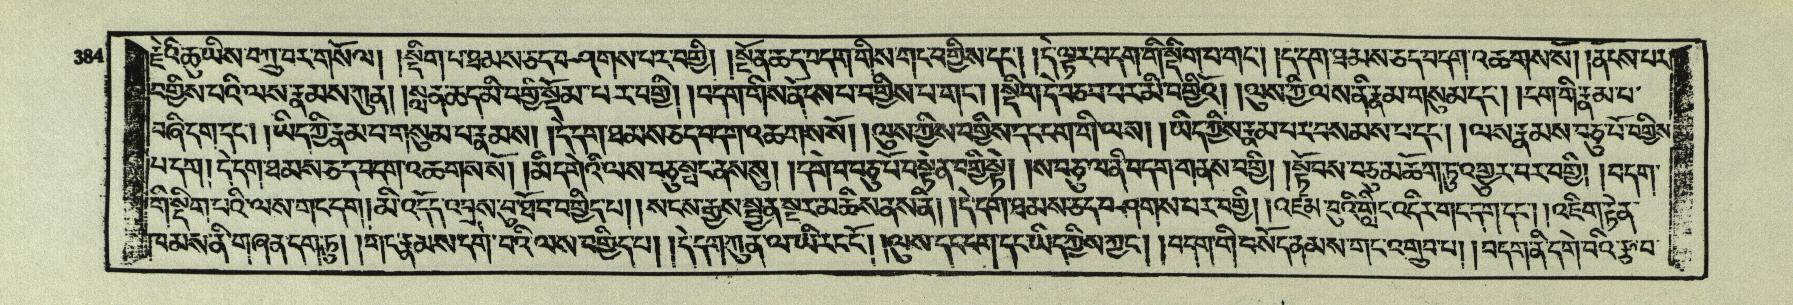རྗེའི་ཆུ་ཡིས་བཀྲུ་བར་གསོལ། །སྡིག་པ་ཐམས་ཅད་བཤགས་པར་བགྱི། །སྔོན་ཆད་བདག་གིས་གང་བགྱིས་དང་། །དེ་ལྟར་བདག་གི་སྡིག་པ་གང་། །ད་དག་ཐམས་ཅད་བདག་འཆགས་སོ། །ནོངས་པར་
བགྱིས་པའི་ལས་རྣམས་ཀུན། །སླན་ཆད་མི་བགྱི་སྡོམ་པར་བགྱི། །བདག་གིས་ནོངས་པ་བགྱིས་པ་གང་། །སྡིག་དེ་བཅབ་པར་མི་བགྱིའོ། །ལུས་ཀྱི་ལས་ནི་རྣམ་གསུམ་དང་། །ངག་གི་རྣམ་པ་
བཞི་དག་དང་། །ཡིད་ཀྱི་རྣམ་པ་གསུམ་པ་རྣམས། །དེ་དག་ཐམས་ཅད་བདག་འཆགས་སོ། །ལུས་ཀྱིས་བགྱིས་དང་ངག་གི་ལས། །ཡིད་ཀྱིས་རྣམ་པར་བསམས་པ་དང་། །ལས་རྣམས་བཅུ་པོ་བགྱིས་
པ་དག། དེ་དག་ཐམས་ཅད་བདག་འཆགས་སོ། །མི་དགེའི་ལས་བཅུ་སྤང་ནས་སུ། །དགེ་བ་བཅུ་པོ་བསྟེན་བགྱི་སྟེ། །ས་བཅུ་ལ་ནི་བདག་གནས་བགྱི། །སྟོབས་བཅུ་མཆོག་ཏུ་འགྱུར་བར་བགྱི། །བདག་
གི་སྡིག་པའི་ལས་གང་དག། མི་འདོད་འབྲས་བུ་ཐོབ་བགྱིད་པ། །སངས་རྒྱས་སྦྱན་སྔར་མཆིས་ནས་ནི། །དེ་དག་ཐམས་ཅད་བཤགས་པར་བགྱི། །འཛམ་བུའི་གླིང་འདིར་གང་དག་དང་། །འཇིག་རྟེན་
ཁམས་ནི་གཞན་དག་ཏུ། །གང་རྣམས་དགེ་བའི་ལས་བགྱིད་པ། །དེ་དག་ཀུན་ལ་ཡི་རང་ངོ། །ལུས་དང་ངག་དང་ཡིད་ཀྱིས་ཀྱང་། །བདག་གི་བསོད་ནམས་གང་འགྲུབ་པ། །བདག་ནི་དགེ་བའི་རྩ་བ་